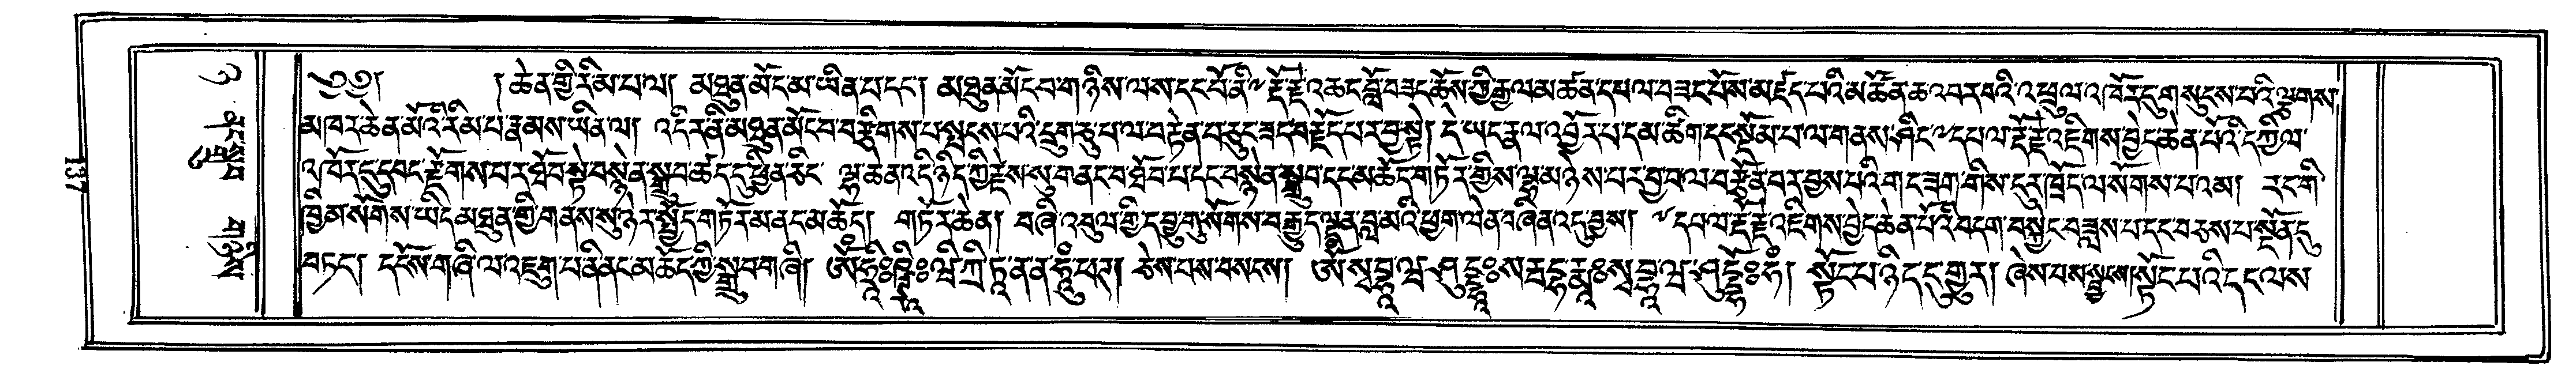༄༅། །ཆེན་གྱི་རིམ་པ་ལ། མཐུན་མོང་མ་ཡིན་པ་དང་། མཐུན་མོང་བ་གཉིས་ལས་དང་པོ་ནི་རྡོ་རྗེ་འཆང་བློ་བཟང་ཆོས་ཀྱི་རྒྱལ་མཚན་དཔལ་བཟང་པོས་མཛད་པའི་མཚོན་ཆ་འབར་བའི་འཕྲུལ་འཁོར་དུ་གསུངས་པའི་ལྕགས་
མཁར་ཆེན་མོའི་རིམ་པ་རྣམས་ཡིན་ལ། འདིར་ནི་མཐུན་མོང་བ་བརྩིགས་པ་སྤངས་པའི་དྲུག་ཅུ་པ་ལ་བརྟན་པ་ཅུང་ཟད་བརྗོད་པར་བྱ་སྟེ། དེ་ཡང་རྣལ་འབྱོར་པ་དམ་ཚིག་དང་སྡོམ་པ་ལ་གནས་ཤིང་དཔལ་རྡོ་རྗེ་འཇིགས་བྱེད་ཆེན་པོའི་དཀྱིལ་
འཁོར་དུ་དབང་རྫོགས་པར་ཐོབ་སྟེ་བསྙེན་སྒྲུབ་ཚད་དུ་ཕྱིན་ཅིང་ལྷ་ཆེན་འདི་ཉིད་ཀྱི་རྗེས་སུ་གནང་བ་ཐོབ་པ་དང་བསྙེན་སྒྲུབ་དང་མཆོད་གཏོར་གྱིས་ལྷ་མཉེས་པར་བྱ་བ་ལ་བརྩོན་པར་བྱས་པའི་གང་ཟག་གིས་དུར་ཁྲོད་ལ་སོགས་པའམ། རང་གི་
ཁྱིམ་སོགས་ཡིད་མཐུན་གྱི་གནས་སུ་ཉེར་སྤྱོད་གཏོར་མ་ནང་མཆོད། གཏོར་ཆེན། བཞི་འབུལ་གྱི་དབྱུ་གུ་སོགས་བརྒྱུད་ལྡན་བླ་མའི་ཕྱག་ལེན་བཞིན་འདུ་བྱས། ༧དཔལ་རྡོ་རྗེ་འཇིགས་བྱེད་ཆེན་པོའི་བདག་བསྐྱེད་བཟླས་པ་དང་བཅས་བ་སྔོན་དུ་
བཏང་། དངོས་གཞི་ལ་འཇུག་པ་ནི་ནང་མཆོད་ཀྱི་སྒྲུབ་གཞི། ཨོཾ་ཧྲཱིཿ ཥཊཱིཿ ཝི་ཀྲི་ཏཱ་ནན་ཧཱུཾ་ཕཊ། ཅེས་པས་བསངས། ཨོཾ་སྭ་བྷཱ་ཝ་ཤུདྡྷཱཿ སརྦ་དྷརྨཱཿ སཱ་བྷཱ་ཝ་ཤུདྡྷོཉྷཾ། སྟོང་པ་ཉིད་དུ་གྱུར། ཞེས་པས་སྦྱར། །སྟོང་པའི་ངང་ལས་